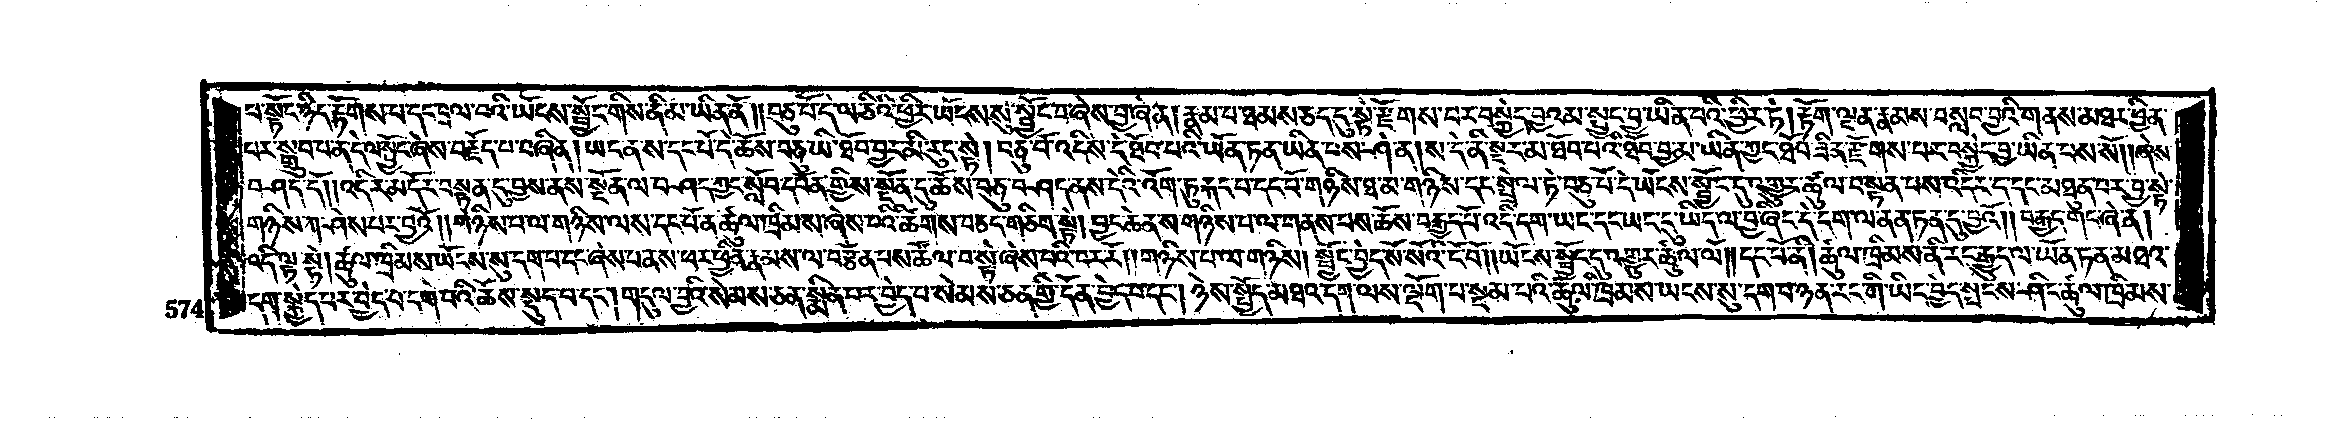པ་སྟོང་ཉིད་རྟོགས་པ་དང་བྲལ་བའི་ཡོངས་སྦྱོང་གིས་ནི་མ་ཡིན་ནོ། །བཅུ་པོ་དེ་ལ་ཅིའི་ཕྱིར་ཡོངས་སུ་སྦྱོང་བ་ཞེས་བྱ་ཞེ་ན། རྣམ་པ་ཐམས་ཅད་དུ་སྟེ་རྫོགས་པར་བསྐྱེད་བྱའམ་སྦྱང་བྱ་ཡིན་པའི་ཕྱིར་ཏེ། རྟོག་ལྡན་རྣམས་བསླབ་བྱའི་གནས་མཐར་ཕྱིན་
པར་སྒྲུབ་པ་ན་དེ་ལ་སྦྱོང་ཞེས་བརྗོད་པ་བཞིན། ཡང་ན་ས་དང་པོ་དེ་ཆོས་བཅུ་ཡི་ཐོབ་བྱར་མི་རུང་སྟེ། བཅུ་པོ་འདིས་དེ་ཐོབ་པའི་ཡོན་ཏན་ཡིན་པས་ཤེ་ན། ས་དེ་ནི་སྔར་མ་ཐོབ་པའི་ཐོབ་བྱ་མ་ཡིན་ཀྱང་ཐོབ་ཟིན་རྫོགས་པར་བསྐྱེད་བྱ་ཡིན་པས་སོ། །ཞེས་
བཤད་དོ། །འདིར་མདོར་བསྟན་དུ་བྱས་ནས་སྔོན་ལ་བཤད་ཀྱང་སློབ་དཔོན་གྱིས་སྔོན་དུ་ཆོས་བཅུ་བཤད་ནས་དེའི་འོག་ཏུ་རྐང་པ་དང་པོ་གཉིས་ཐ་མ་གཉིས་དང་སྤྲེལ་ཏེ་བཅུ་པོ་དེ་ཡོངས་སྦྱོང་དུ་འགྱུར་ཚུལ་བསྟན་པས་འདིར་དེ་དང་མཐུན་པར་བྱ་སྟེ་
གཉིས་ཀ་ཤེས་པར་བྱའོ། །གཉིས་པ་ལ་གཉིས་ལས་དང་པོ་ནི་ཚུལ་ཁྲིམས་ཞེས་པའི་ཚིགས་བཅད་གཅིག་སྟེ། བྱང་ཆེན་ས་གཉིས་པ་ལ་གནས་པས་ཆོས་བརྒྱད་པོ་འདི་དག་ཡང་དང་ཡང་དུ་ཡིད་ལ་བྱ་ཞིང་དེ་དག་ལ་ནན་ཏན་དུ་བྱའོ། །བརྒྱད་གང་ཞེ་ན།
འདི་ལྟ་སྟེ། ཚུལ་ཁྲིམས་ཡོངས་སུ་དག་པ་དང་ཞེས་པ་ནས་ཕར་ཕྱིན་རྣམས་ལ་བརྩོན་པས་ཚོལ་བ་སྟེ་ཞེས་པའི་བར་རོ། །གཉིས་པ་ལ་གཉིས། སྦྱོང་བྱེད་སོ་སོའི་ངོ་བོ། །ཡོངས་སྦྱོང་དུ་འགྱུར་ཚུལ་ལོ། །དང་པོ་ནི། ཚུལ་ཁྲིམས་ནི་རང་རྒྱུད་ལ་ཡོན་ཏན་མཐའ་
དག་སྐྱེད་པར་བྱེད་པ་དགེ་བའི་ཆོས་སྡུད་པ་དང་། གདུལ་བྱའི་སེམས་ཅན་སྨིན་པར་བྱེད་པ་སེམས་ཅན་གྱི་དོན་བྱེད་པ་དང་། ཉེས་སྤྱོད་མཐའ་དག་ལས་ལྡོག་པ་སྡོམ་པའི་ཚུལ་ཁྲིམས་ཡོངས་སུ་དག་པ་ཉན་རང་གི་ཡིད་བྱེད་སྤངས་ཤིང་ཚུལ་ཁྲིམས་